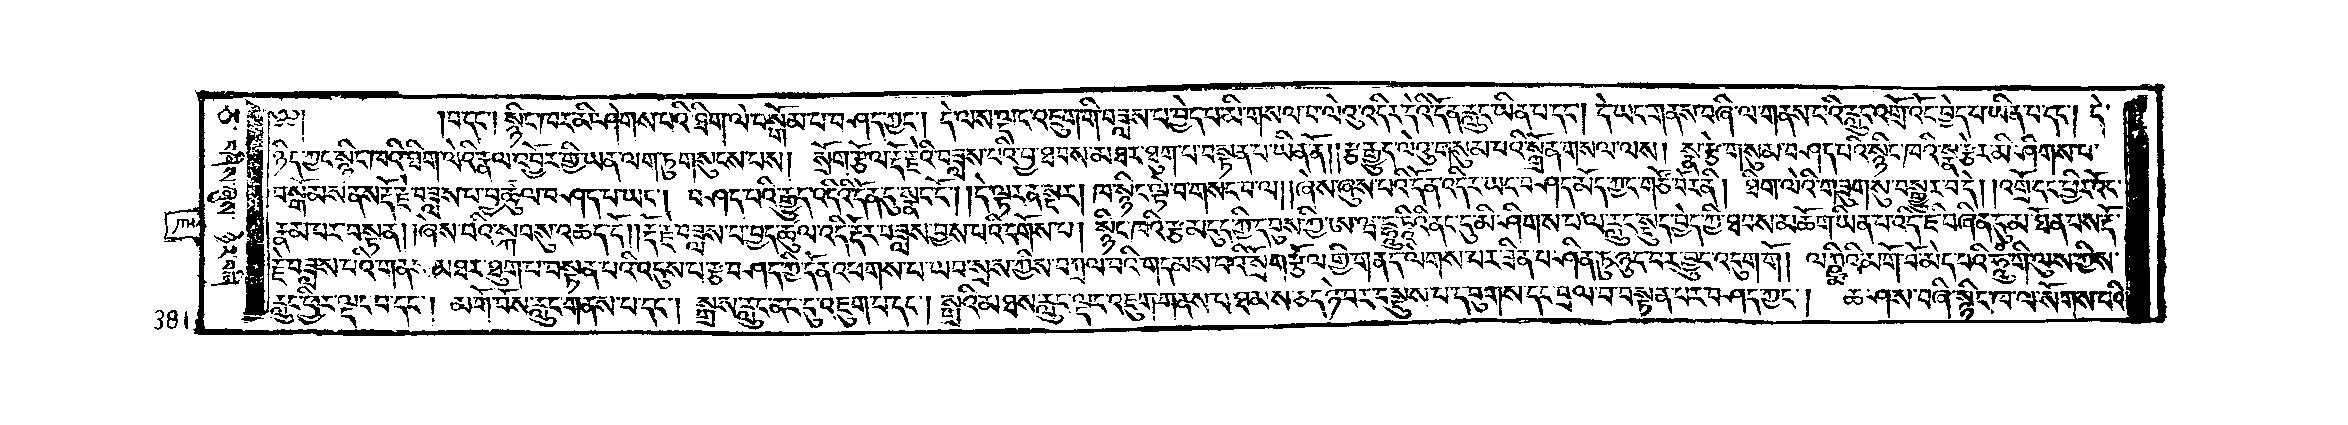༄༅། །བ་དང་། སྙིང་ཁར་མི་ཤིགས་པའི་ཐིག་ལེ་བསྒོམ་པ་བཤད་ཀྱང་། དེ་ལས་ལྡང་འཇུག་གི་བཟླས་པ་བྱེད་པ་མི་གསལ་བ་ལེའུ་འདིར་དེའི་དོན་རླུང་ཡིན་པ་དང་། དེ་ཡང་གནས་བཞི་ལ་གནས་པའི་རླུང་འགྲོ་འོང་བྱེད་པ་ཡིན་པ་དང་། དེ་
ཉིད་ཀྱང་སྙིང་ཁའི་ཐིག་ལེའི་རྣལ་འབྱོར་གྱི་ཡན་ལག་ཏུ་གསུངས་པས། སྲོག་རྩོལ་རྡོ་རྗེའི་བཟླས་པའི་བྱ་ཐབས་མཐར་ཐུག་པ་བསྟན་པ་ཡིན་ནོ། །རྩ་རྒྱུད་ལེའུ་གསུམ་པའི་སྒྲོན་གསལ་ལས། སྣ་རྩེ་གསུམ་བཤད་པའི་སྙིང་ཁའི་སྣ་རྩེར་མི་ཤིགས་པ་
བསྒོམས་ནས་རྡོ་རྗེ་བཟླས་པ་བྱ་ཚུལ་བཤད་པ་ཡང་། བཤད་པའི་རྒྱུད་འདིའི་དོན་དུ་སྣང་ངོ། །དེ་ལྟར་ན་སྔར། ཁ་སྙིང་ལྟེ་བ་གསང་བ་ལ། །ཞེས་ཞུས་པའི་དོན་འདིར་ཡང་བཤད་མོད་ཀྱང་གཙོ་བོར་ནི། ཐིག་ལེའི་གཟུགས་སུ་བསྒྱུར་བ་དེ། །འགྲོ་དང་ཕྱིར་འོང་
རྣམ་པར་བསྟན། །ཞེས་པའི་སྐབས་སུ་འཆད་དོ། །རྡོ་རྗེ་བཟླས་པ་བྱེད་ཚུལ་འདི་རྡོར་བཟླས་བྱས་པའི་དགོས་པ། སྙིང་ཁའི་རྩ་མདུད་ཀྱི་དབུས་ཀྱི་ཨ་ཝ་དྷཱུ་ཏཱིའི་ནང་དུ་མི་ཤིགས་པ་ལ་རླུང་སྡུད་བྱེད་ཀྱི་ཐབས་མཆོག་ཡིན་པ་འདི་ཇི་བཞིན་དུ་མ་ཐོན་པས་རྡོ་
རྗེ་བཟླས་པའི་གནས་མཐར་ཐུག་པ་བསྟན་པའི་འདུས་པ་རྩ་བཤད་ཀྱི་དོན་འཕགས་པ་ཡབ་སྲས་ཀྱིས་བཀྲལ་བའི་གདམས་པའི་སྲོག་རྩོལ་གྱི་གནད་ལེགས་པར་ཟིན་པ་ཤིན་ཏུ་ཉུང་བར་བྱུང་འདུག་གོ །ལཀྵྨིའི་མགོ་བོ་མེད་པའི་ཧཱུཾ་གི་ལུས་ཀྱིས་
རླུང་ཕྱིར་ལྡང་བ་དང་། མགོ་བོས་རླུང་གནས་པ་དང་། སྒྲས་རླུང་ནང་དུ་འཇུག་པ་དང་། སྒྲའི་མཐས་རླུང་ལྡང་འཇུག་གནས་པ་ཐམས་ཅད་ཉེ་བར་བསྡུས་པ་དབུགས་དང་བྲལ་བ་བསྟན་པར་བཤད་ཀྱང་། ཆ་ཤས་བཞི་སྙིང་ཁ་ལ་སོགས་པའི་